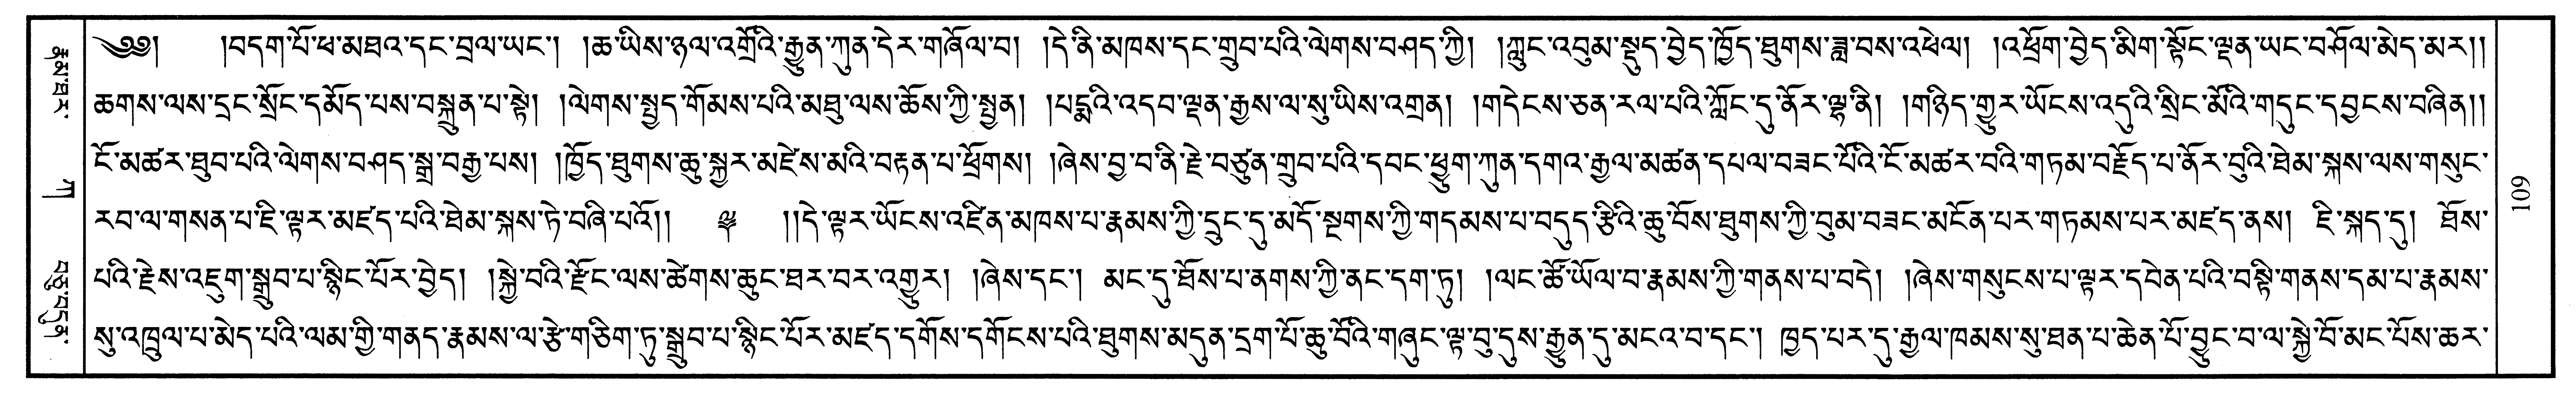༄༅། །བདག་པོ་ཕ་མཐའ་དང་བྲལ་ཡང་། །ཆ་ཡིས་ཉལ་འགྲོའི་རྒྱུན་ཀུན་དེར་གཞོལ་བ། །དེ་ནི་མཁས་དང་གྲུབ་པའི་ལེགས་བཤད་ཀྱི། །ཀླུང་འབུམ་སྡུད་བྱེད་ཁྱོད་ཐུགས་ཟླ་བས་འཕེལ། །འཕྲོག་བྱེད་མིག་སྟོང་ལྡན་ཡང་བཤོལ་མེད་མར།།
ཆགས་ལས་དྲང་སྲོང་དམོད་པས་བསྐྲུན་པ་སྟེ། །ལེགས་སྤྱད་གོམས་པའི་མཐུ་ལས་ཆོས་ཀྱི་སྤྱན། །པདམའི་འདབ་ལྡན་རྒྱས་ལ་སུ་ཡིས་འགྲན། །གདེངས་ཅན་རལ་པའི་ཀློང་དུ་ནོར་ལྷ་ནི། །གཉིད་གྱུར་ཡོངས་འདུའི་སྲིང་མོའི་གདུང་དབྱངས་བཞིན།།
ངོ་མཚར་ཐུབ་པའི་ལེགས་བཤད་སྒྲ་བརྒྱ་པས། །ཁྱོད་ཐུགས་ཆུ་སྐྱར་མཛེས་མའི་བརྟན་པ་ཕྲོགས། །ཞེས་བྱ་བ་ནི་རྗེ་བཙུན་གྲུབ་པའི་དབང་ཕྱུག་ཀུན་དགའ་རྒྱལ་མཚན་དཔལ་བཟང་པོའི་ངོ་མཚར་བའི་གཏམ་བརྗོད་པ་ནོར་བུའི་ཐེམ་སྐས་ལས་གསུང་
རབ་ལ་གསན་པ་ཇི་ལྟར་མཛད་པའི་ཐེམ་སྐས་ཏེ་བཞི་པའོ།། ༈།།དེ་ལྟར་ཡོངས་འཛིན་མཁས་པ་རྣམས་ཀྱི་དྲུང་དུ་མདོ་སྔགས་ཀྱི་གདམས་པ་བདུད་རྩིའི་ཆུ་བོས་ཐུགས་ཀྱི་བུམ་བཟང་མངོན་པར་གཏམས་པར་མཛད་ནས། ཇི་སྐད་དུ། ཐོས་
པའི་རྗེས་འཇུག་སྒྲུབ་པ་སྙིང་པོར་བྱེད། །སྐྱེ་བའི་རྫོང་ལས་ཚེགས་ཆུང་ཐར་བར་འགྱུར། །ཞེས་དང་། མང་དུ་ཐོས་པ་ནགས་ཀྱི་ནང་དག་ཏུ། །ལང་ཚོ་ཡོལ་བ་རྣམས་ཀྱི་གནས་པ་བདེ། །ཞེས་གསུངས་པ་ལྟར་དབེན་པའི་བསྟི་གནས་དམ་པ་རྣམས་
སུ་འཁྲུལ་པ་མེད་པའི་ལམ་གྱི་གནད་རྣམས་ལ་རྩེ་གཅིག་ཏུ་སྒྲུབ་པ་སྙིང་པོར་མཛད་དགོས་དགོངས་པའི་ཐུགས་མདུན་དྲག་པོ་ཆུ་བོའི་གཞུང་ལྟ་བུ་དུས་རྒྱུན་དུ་མངའ་བ་དང་། ཁྱད་པར་དུ་རྒྱལ་ཁམས་སུ་ཐན་པ་ཆེན་པོ་བྱུང་བ་ལ་སྐྱེ་བོ་མང་པོས་ཆར་